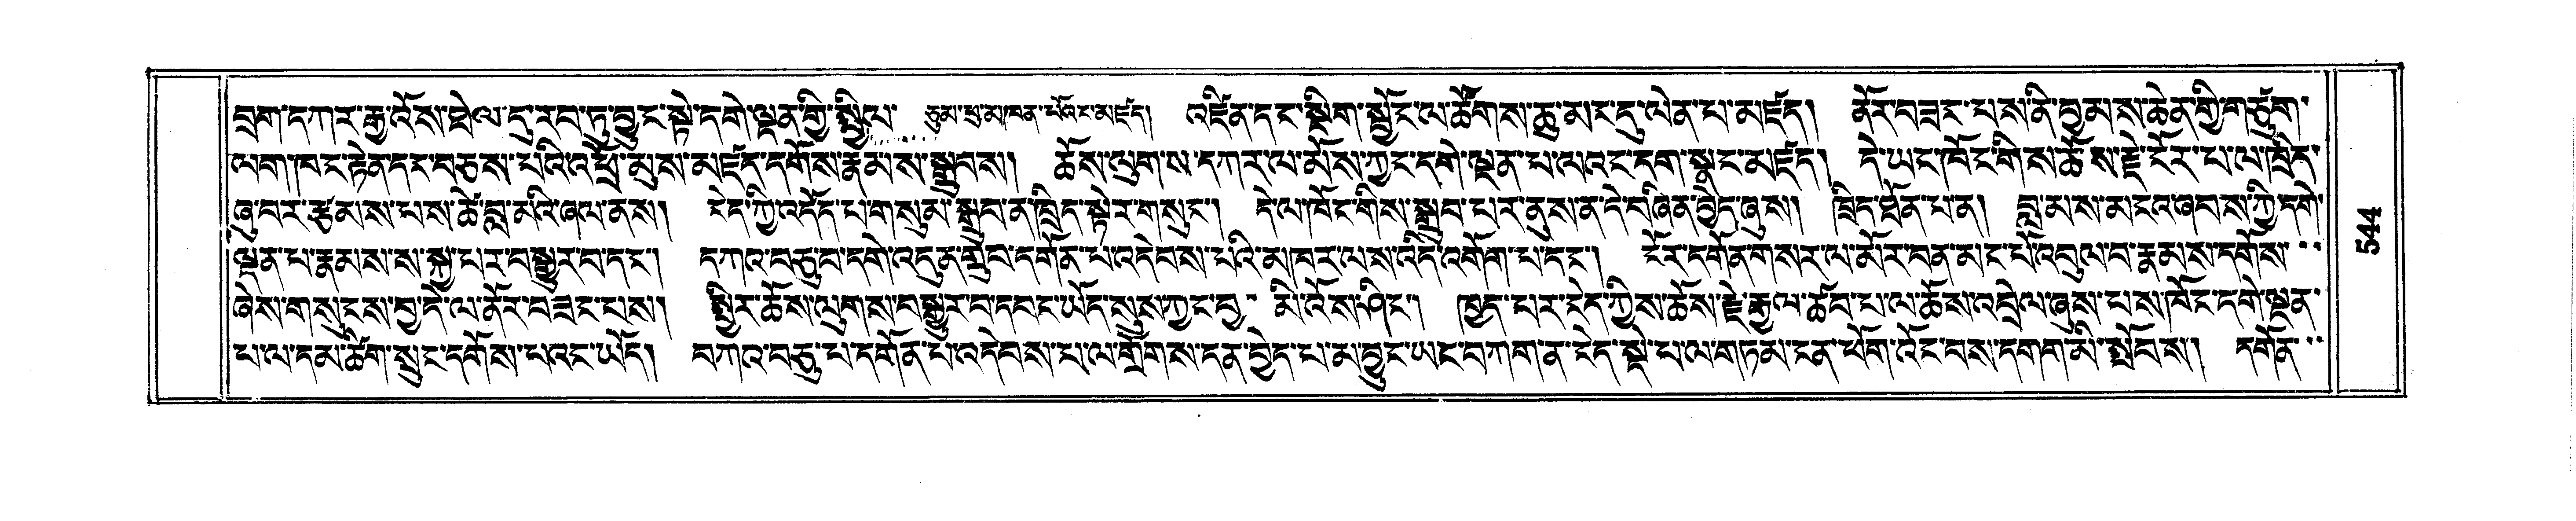བྲག་དཀར་རྒྱ་འོས་ཐེལ་དུ་རབ་ཏུ་བྱུང་སྟེ་དགེ་ལྡན་གྱི་སྤྱིལ་ཅུམ་ཕུ་མཁན་པོའང་མཛད།  འཛིན་དང་སྡིག་སྦྱོང་ལ་ཚོགས་ཆུ་མང་དུ་ལེན་པ་མཛད། ནོར་བཟང་པས་ནི་བྱམས་ཆེན་གྱི་གཙུག་
ལག་ཁང་རྟེན་དང་བཅས་པའི་འཕྲོ་མུས་མཛད་དགོས་རྣམས་སྒྲུབས། ཆོས་ལུག་ས་དཀར་ལ་མོས་ཀྱང་དགེ་ལྡན་པ་ལའང་དག་སྣང་མཛད། དེ་ཡང་ཁོང་གིས་ཆོས་རྗེ་ངོར་པ་ལ་ཁྲིད་
ཞུ་བར་རྩམས་པས་ཚེ་བླ་མའི་ཞལ་ནས། ངེད་ཀྱི་འདོད་པ་གསུམ་སྒྲུབ་ན་ཁྲིད་སྟེར་གསུང་། དེ་ལ་ཁོང་གིས་སྒྲུབ་པར་ནུས་ན་དེ་བཞིན་བྱེད་ཞུས། ཁྲིད་ཐོན་པ་ན། བླ་མས་མངའ་ཞབས་ཀྱི་དགེ་
ལྡན་པ་རྣམས་ས་སྐྱ་པར་བསྒྱུར་བ་དང་། དཀའ་བཅུ་བ་དགེ་འདུན་གྲུབ་དགོན་པ་འདེབས་པའི་མཁར་ལས་འདི་འགོག་པ་དང་། ངོར་དགོན་གསར་ལ་མོར་བན་མང་པོ་འབུལ་བ་རྣམས་དགོས་
ཞེས་གསུངས་བྱ་དེ་ལ་ནོར་བཟང་པས། སྤྱིར་ཆོས་ལུགས་བསྒྱུར་བ་དབང་ཡོད་སུས་ཀྱང་བྱ་མི་འོས་ཤིང་། ཁྱད་པར་ངེད་ཀྱིས་ཆོས་རྗེ་རྒྱལ་ཚབ་པ་ལ་ཆོས་འབྲེལ་ཞུས་པས་ཁོང་དགེ་ལྡན་
པ་ལ་དམ་ཚིག་སྲུང་དགོས་པའང་ཡོད། བཀའ་བཅུ་པ་དགོན་པ་འདེབས་པ་ལ་གྲོགས་དན་བྱེད་པ་མ་བྱུང་ཡང་བཀག་ན་ངེད་སྡེ་པ་ལ་གཏམ་ངན་ཕོག་འོང་བས་དགག་མི་སྤོབས། དགོན་